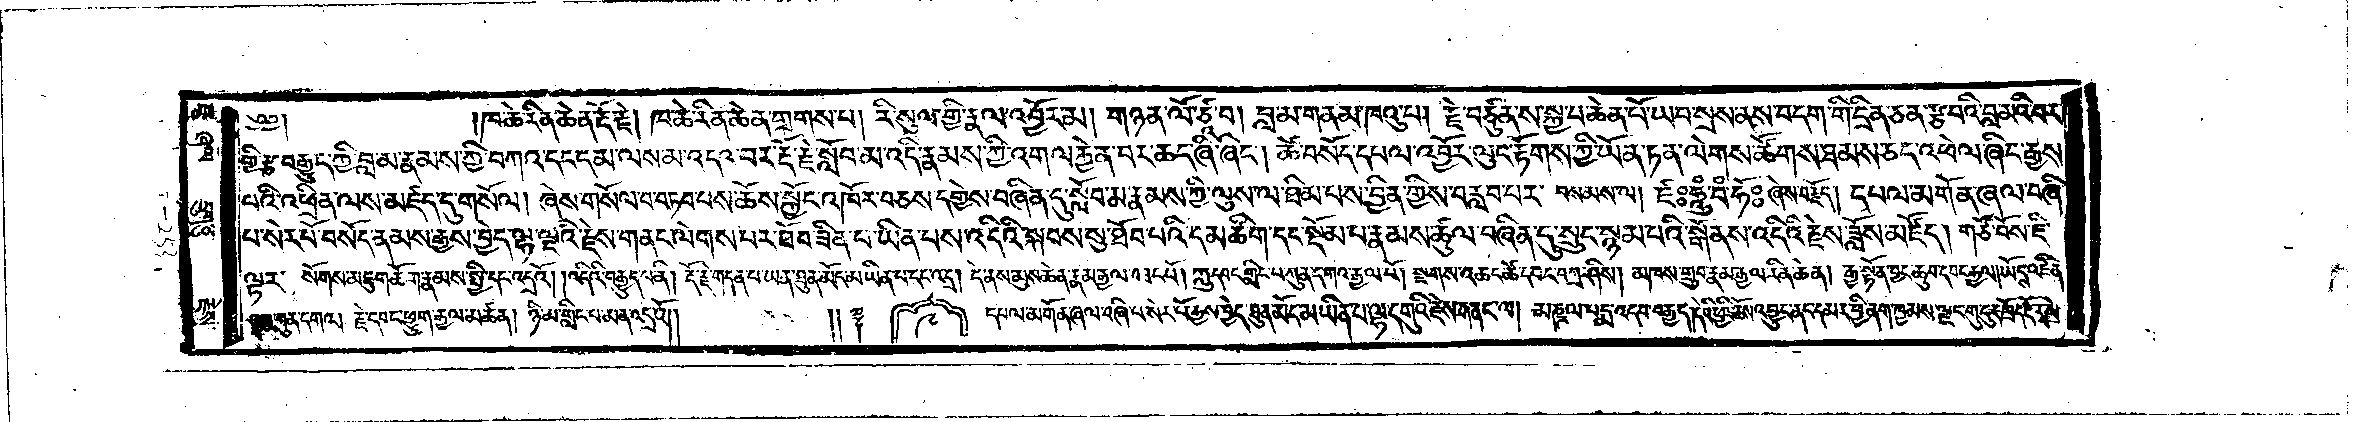༄༅། །ཁ་ཆེ་རིན་ཆེན་རྡོ་རྗེ། ཁ་ཆེ་རིན་ཆེན་གྲགས་པ། རི་སུལ་གྱི་རྣལ་འབྱོར་མ། གཉན་ལོ་ཙཱ་བ། བླ་མ་གནམ་ཁའུ་པ། རྗེ་བཙུན་ས་སྐྱ་བ་ཆེན་པོ་ཡབ་སྲས་ནས་བདག་གི་དྲིན་ཅན་རྩ་བའི་བླ་མའི་བར་
གྱི་རྩ་བརྒྱུད་ཀྱི་བླ་མ་རྣམས་ཀྱི་བཀའ་དང་དམ་ལས་མ་འདའ་བར་རྡོ་རྗེ་སློབ་མ་འདི་རྣམས་ཀྱི་འགལ་རྐྱེན་བར་ཆད་ཞི་ཞིང་། ཚེ་བསོད་དཔལ་འབྱོར་ལུང་རྟོགས་ཀྱི་ཡོན་ཏན་ལེགས་ཚོགས་ཐམས་ཅད་འཕེལ་ཞིང་རྒྱས་
པའི་འཕྲིན་ལས་མཛད་དུ་གསོལ། ཞེས་གསོལ་བ་བཏབ་པས་ཆོས་སྐྱོང་འཁོར་བཅས་དགྱེས་བཞིན་དུ་སློབ་མ་རྣམས་ཀྱི་ལུས་ལ་ཐིམ་པས་བྱིན་གྱིས་བརླབ་པར་བསམས་ལ། ཛཿ ཧཱུཾ་བཾ་ཧོཿ ཞེས་བརྗོད། དཔལ་མགོན་ཞལ་བཞི་
པ་སེར་པོ་བསོད་ནམས་རྒྱས་བྱེད་ལྷ་ལྔའི་རྗེས་གནང་ལེགས་པར་ཐོབ་ཟིན་པ་ཡིན་པས་འདིའི་སྐབས་སུ་ཐོབ་པའི་དམ་ཚིག་དང་སྡོམ་པ་རྣམས་ཚུལ་བཞིན་དུ་སྲུང་སྙམ་པའི་སྒོ་ནས་འདིའི་རྗེས་ཟློས་མཛོད། གཙོ་བོས་ཇི་
ལྟར། སོགས་མཇུག་ཆོག་རྣམས་སྤྱི་དང་འདྲའོ། །འདིའི་བརྒྱུད་པ་ནི། རྡོ་རྗེ་གདན་པ་ཡང་ཐུན་མོང་མ་ཡིན་པ་དང་འདྲ། དེ་ནས་མུས་ཆེན་རྣམ་རྒྱལ་བཟང་པོ། ཀླུ་དབང་གླིང་པ་ཀུན་དགའ་རྒྱལ་པོ། སྔགས་འཆད་ཚེ་དབང་བཀྲ་ཤིས། མཁས་གྲུབ་རྣམ་རྒྱལ་རིན་ཆེན། རྒྱ་སྟོན་བྱང་ཆུབ་དབང་རྒྱལ་ཡོངས་འཛིན་
བཀྱ་ཀུན་དགའ། རྗེ་དབང་ཕྱུག་རྒྱལ་མཚན། ཉི་མ་གླིང་པ་མན་འདྲའོ།། །།༈ ༼༽༩༼༽ དཔལ་མགོན་ཞལ་བཞི་པ་སེར་པོ་རྒྱས་བྱེད་ཐུན་མོང་མ་ཡིན་པ་ལྷ་དགུའི་རྗེས་གནང་ལ། མཎྜལ་པདམ་འདབ་བརྒྱད། དེའི་ཕྱི་འཐོབ་འབྱུང་ནང་དམར་གྱི་ནག་ཁྱམས་ལྗང་བུ་དུར་ཁྲོད་རྡོ་རྭ་མེ་